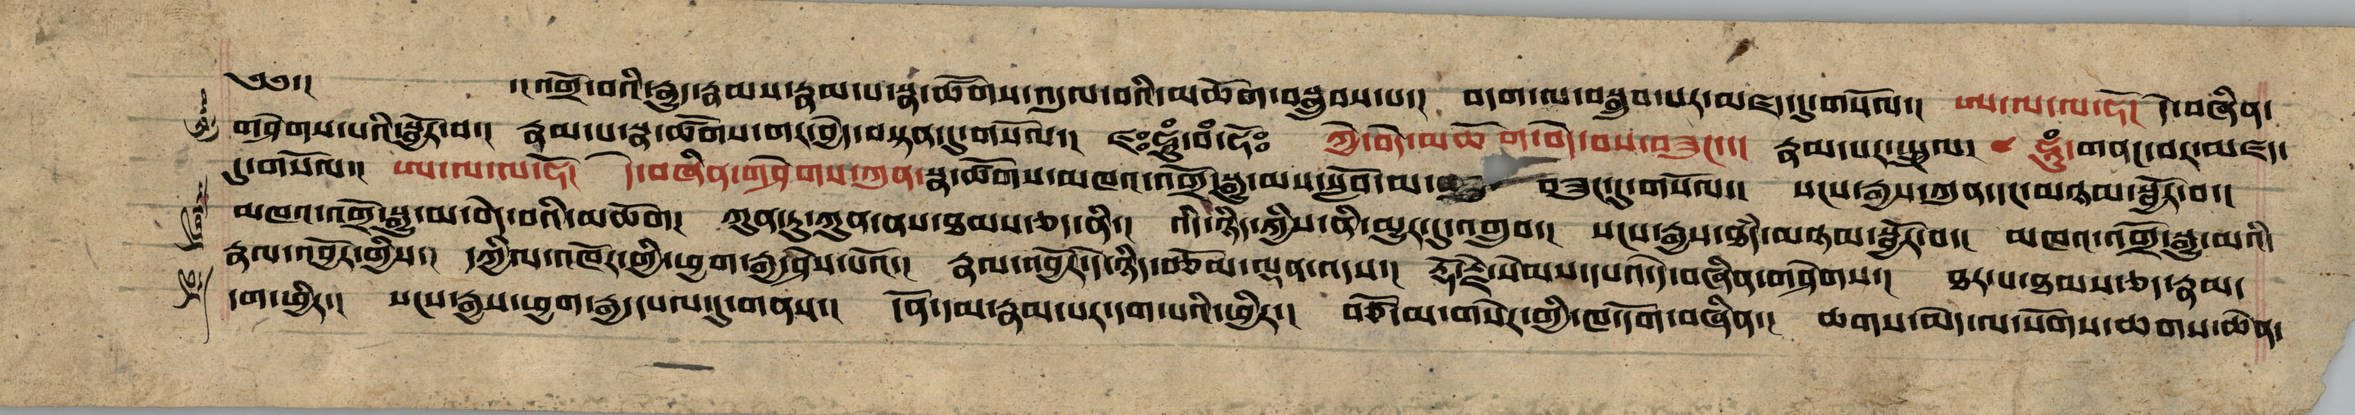༄༅་། ་།འགྲོ་བའི་རྒྱུད་རྣམས་རྣམ་པ་སྣ་ཚོགས་འདུལ་བའི་མཆོག་བསྒྲུབཔ་པ་། བདག་ལ་བསྒྲུབ་པར་མཛད་དུ་གསོལ་། ཨ་ལ་ལ་ཧོ། དེ་བཞིན་
གཤེགས་པའི་སྦྱོར་བ་། རྣམ་པ་སྣ་ཚོགས་གར་བྱེད་བསྟན་དུ་གསོལ་། ཛཿཧཱུཾ་བཾ་ཧོཿ ཀྱེ་བདེ་མཆོག་བདེ་བས་གཟུང་་། རྣམ་པར་སྤྲུལ་ ཧཱུཾ་གནང་བར་མཛད་
དུ་གསོལ་། ཨ་ལ་ལ་ཧོ། དེ་བཞིན་གཤེགས་ཀུན་སྣ་ཚོགས་མཁའ་འགྲོ་སྒྱུ་མས་སློབ་མ་ བཟུང་དུ་གསོལ་། སངས་རྒྱས་ཀུན་དང་མཉམ་སྦྱོར་བ་།
མཁའ་འགྲོ་སྒྱུ་མ་བདེ་བའི་མཆོག། ཀུན་ཏུ་ཀུན་ནས་ཐམས་ཅད་ནི་། འདི་ཉིད་ཀྱིས་ནི་མྱུར་དུ་འགྲུབ་། སངས་རྒྱས་ཐཾད་མཉམ་སྦྱོར་བ་། མཁའ་འགྲོ་སྒྱུ་མའི་
རྣལ་འབྱོར་གྱིས་། དཀྱིལ་འཁོར་གྱི་ཕྱག་རྒྱ་ཤེས་པའོ་། རྣལ་འབྱོར་དེ་ཉིད་བཅོམ་ལྡན་འདས་། རྡོ་རྗེ་སེམས་དཔའ་དེ་བཞིན་གཤེགས་། ཐར་པ་ཐམས་ཅད་རྣམ
དག་ཕྱིར་། སངས་རྒྱས་ཕྱག་རྒྱ་དཔལ་དུ་གནས་། དོན་དམ་རྣམ་པར་དག་པའི་ཕྱིར་། བཙོ་མ་གསེར་གྱི་ཁ་དོག་བཞིན་། ཆགས་མེད་ལ་སོགས་ཆགས་ཆེན་